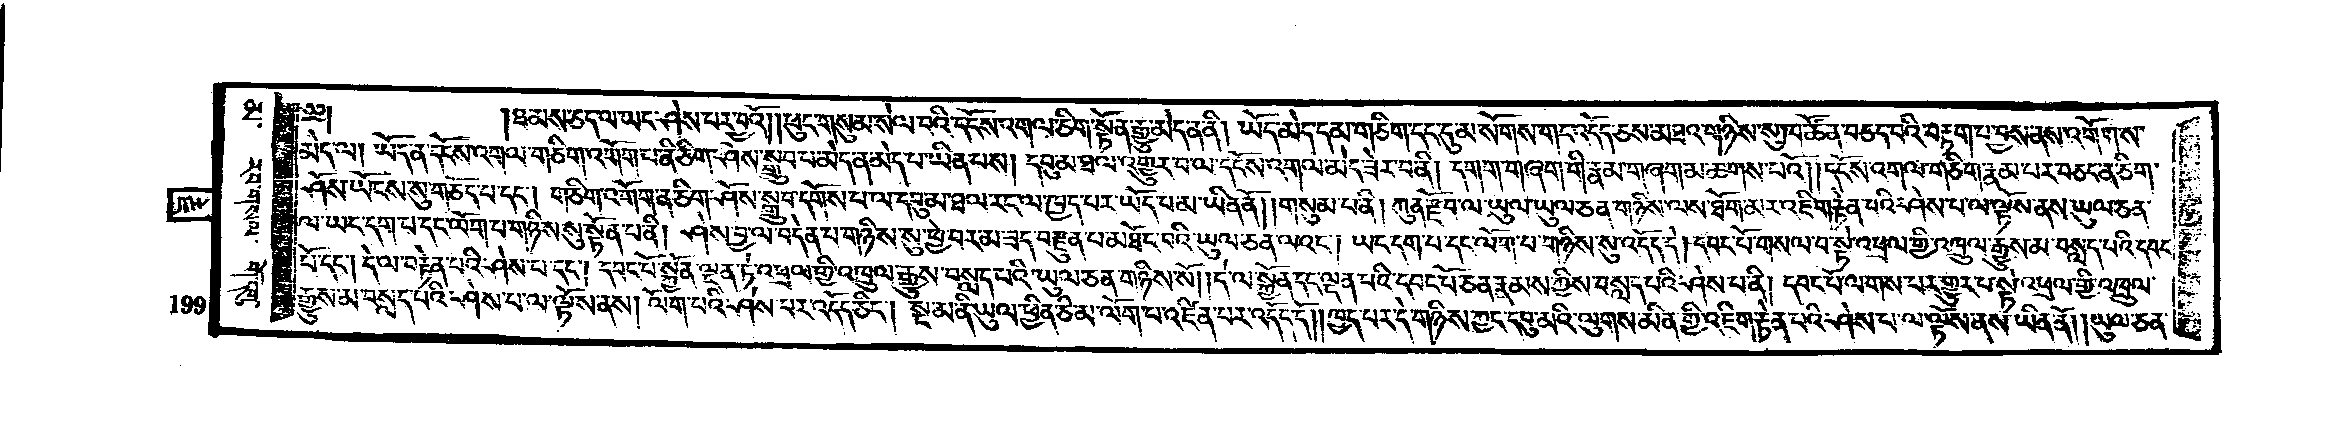༄༅། །ཐམས་ཅད་ལ་ཡང་ཤེས་པར་བྱའོ། །ཕུང་གསུམ་སེལ་བའི་དངོས་འགལ་ཅིག་སྟོན་རྒྱུ་མེད་ན་ནི། ཡོད་མེད་དམ་གཅིག་དང་དུ་མ་སོགས་གང་འདོད་ཅེས་མཐའ་གཉིས་སུ་ཁ་ཚོན་བཅད་པའི་བརྟག་པ་བྱས་ནས་འགོག་ས་
མེད་ལ། ཡོད་ན་དངོས་འགལ་གཅིག་འགོག་པ་ནི་ཅིག་ཤོས་སྒྲུབ་པ་མེད་ན་མེད་པ་ཡིན་པས། དབུ་མ་ཐལ་འགྱུར་བ་ལ་དངོས་འགལ་མེད་ཟེར་བ་ནི། དགག་གཞག་གི་རྣམ་གཞག་མ་ཆགས་པའོ། །དངོས་འགལ་གཅིག་རྣམ་པར་བཅད་ན་ཅིག་
ཤོས་ཡོངས་སུ་གཅོད་པ་དང་། གཅིག་འགོག་ན་ཅིག་ཤོས་སྒྲུབ་དགོས་པ་ལ་དབུ་མ་ཐལ་རང་ལ་ཁྱད་པར་ཡོད་པ་མ་ཡིན་ནོ། །གསུམ་པ་ནི། ཀུན་རྫོབ་ལ་ཡུལ་ཡུལ་ཅན་གཉིས་ལས་ཐོག་མར་འཇིག་རྟེན་པའི་ཤེས་པ་ལ་ལྟོས་ནས་ཡུལ་ཅན་
ལ་ཡང་དག་པ་དང་ལོག་པ་གཉིས་སུ་སྟོན་པ་ནི། ཤེས་བྱ་ལ་བདེན་པ་གཉིས་སུ་ཕྱེ་བར་མ་ཟད་བརྫུན་པ་མཐོང་པའི་ཡུལ་ཅན་ལའང་། ཡང་དག་པ་དང་ལོག་པ་གཉིས་སུ་འདོད་དེ། དབང་པོ་གསལ་བ་སྟེ་འཕྲལ་གྱི་འཁྲུལ་རྒྱུས་མ་བསླད་པའི་དབང་
པོ་དང་། དེ་ལ་བརྟེན་པའི་ཤེས་པ་དང་། དབང་པོ་སྐྱོན་ལྡན་ཏེ་འཕྲལ་གྱི་འཁྲུལ་རྒྱུས་བསླད་པའི་ཡུལ་ཅན་གཉིས་སོ། །དེ་ལ་སྐྱོན་དང་ལྡན་པའི་དབང་པོ་ཅན་རྣམས་ཀྱིས་བསླད་པའི་ཤེས་པ་ནི། དབང་པོ་ལགས་པར་གྱུར་པ་སྟེ་འཕྲལ་གྱི་འཁྲུལ་
རྒྱུས་མ་བསླད་པའི་ཤེས་པ་ལ་ལྟོས་ནས། ལོག་པའི་ཤེས་པར་འདོད་ཅིང་། སྔ་མ་ནི་ཡུལ་ཕྱིན་ཅི་མ་ལོག་པ་འཛིན་པར་འདོད་དོ། །ཁྱད་པར་དེ་གཉིས་ཀྱང་དབུ་མའི་ལུགས་མིན་གྱི་འཇིག་རྟེན་པའི་ཤེས་པ་ལ་ལྟོས་ནས་ཡིན་ནོ། །ཡུལ་ཅན་